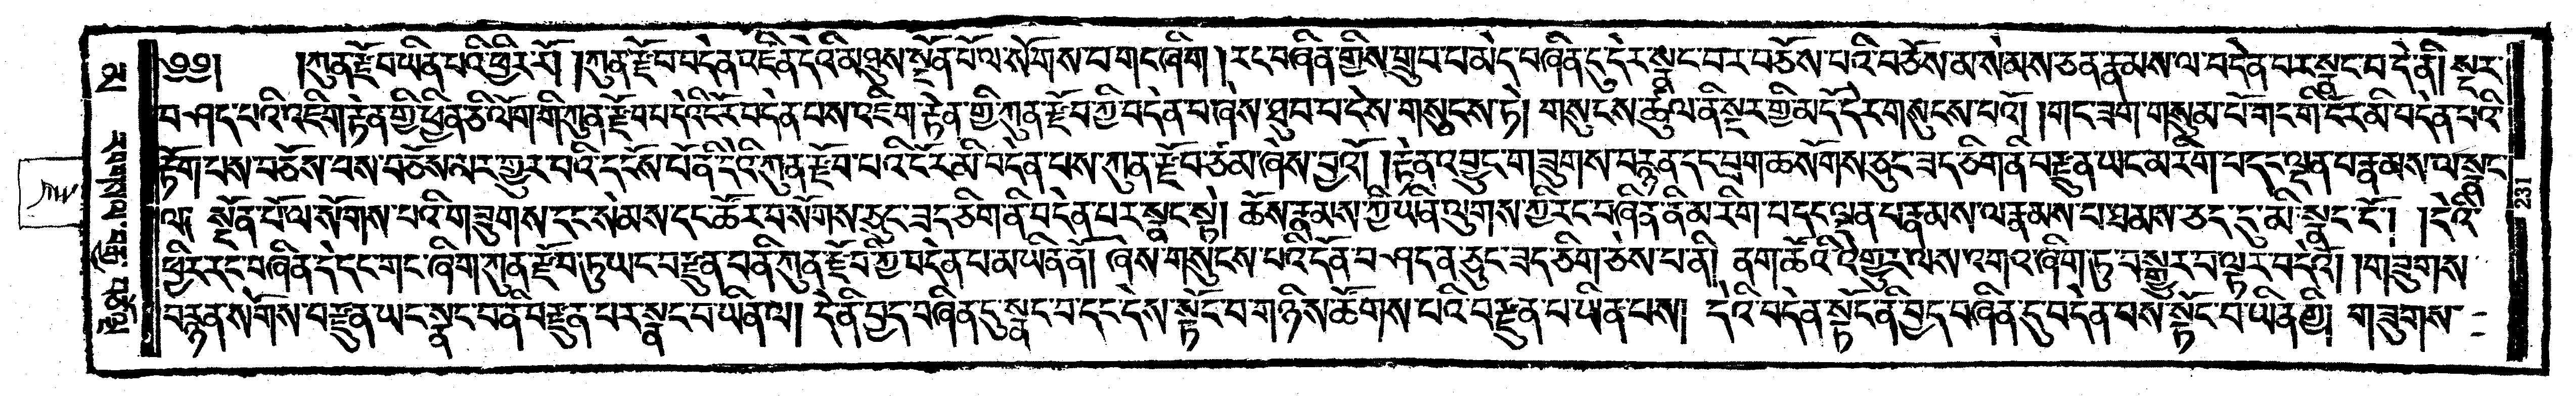༄༅། །ཀུན་རྫོབ་ཡིན་པའི་ཕྱིར་རོ། །ཀུན་རྫོབ་བདེན་འཛིན་དེའི་མཐུས་སྔོན་པོ་ལ་སོགས་པ་གང་ཞིག །རང་བཞིན་གྱིས་གྲུབ་པ་མེད་བཞིན་དུ་དེར་སྣང་བར་བཅོས་པའི་བཅོས་མ་སེམས་ཅན་རྣམས་ལ་བདེན་པར་སྣང་བ་དེ་ནི། སྔར་
བཤད་པའི་འཇིག་རྟེན་གྱི་ཕྱིན་ཅི་ལོག་གི་ཀུན་རྫོབ་པ་དེའི་ངོར་བདེན་པས་འཇིག་རྟེན་གྱི་ཀུན་རྫོབ་ཀྱི་བདེན་པ་ཞེས་ཐུབ་པ་དེས་གསུངས་ཏེ། གསུངས་ཚུལ་ནི་སྔར་གྱི་མདོ་དེར་གསུངས་པའོ། །གང་ཟག་གསུམ་པོ་གང་གི་ངོར་མི་བདེན་པའི་
རྟོག་པས་བཅོས་པས་བཅོས་མར་གྱུར་པའི་དངོས་པོ་ནི་དེའི་ཀུན་རྫོབ་པའི་ངོར་མི་བདེན་པས་ཀུན་རྫོབ་ཙམ་ཞེས་བྱའོ། །རྟེན་འབྱུང་གཟུགས་བརྙན་དང་བྲག་ཆ་སོགས་ཅུང་ཟད་ཅིག་ནི་བརྫུན་ཡང་མ་རིག་པ་དང་ལྡན་པ་རྣམས་ལ་སྣང་
ལ༑ སྔོན་པོ་ལ་སོགས་པའི་གཟུགས་དང་སེམས་དང་ཚོར་བ་སོགས་ཅུང་ཟད་ཅིག་ནི་བདེན་པར་སྣང་སྟེ། ཆོས་རྣམས་ཀྱི་ཡིན་ལུགས་ཀྱི་རང་བཞིན་ནི་མ་རིག་པ་དང་ལྡན་པ་རྣམས་ལ་རྣམ་པ་ཐམས་ཅད་དུ་མི་སྣང་ངོ། །དེའི་
ཕྱིར་རང་བཞིན་དེ་དང་གང་ཞིག་ཀུན་རྫོབ་ཏུ་ཡང་བརྫུན་པ་ནི་ཀུན་རྫོབ་ཀྱི་བདེན་པ་མ་ཡིན་ནོ། ཞེས་གསུངས་པའི་དོན་བཤད་ན་ཅུང་ཟད་ཅིག་ཅེས་པ་ནི། ནག་ཚོའི་འགྱུར་ལས་འགའ་ཞིག་ཏུ་བསྒྱུར་བ་ལྟར་བདེའོ། །གཟུགས་
བརྙན་སོགས་བརྫུན་ཡང་སྣང་བ་ནི་བརྫུན་པར་སྣང་བ་ཡིན་ལ། དེ་ནི་བྱད་བཞིན་དུ་སྣང་བ་དང་དེས་སྟོང་པ་གཉིས་ཚོགས་པའི་བརྫུན་པ་ཡིན་པས། དེའི་བདེན་སྟོང་ནི་བྱད་བཞིན་དུ་བདེན་པས་སྟོང་པ་ཡིན་གྱི། གཟུགས་